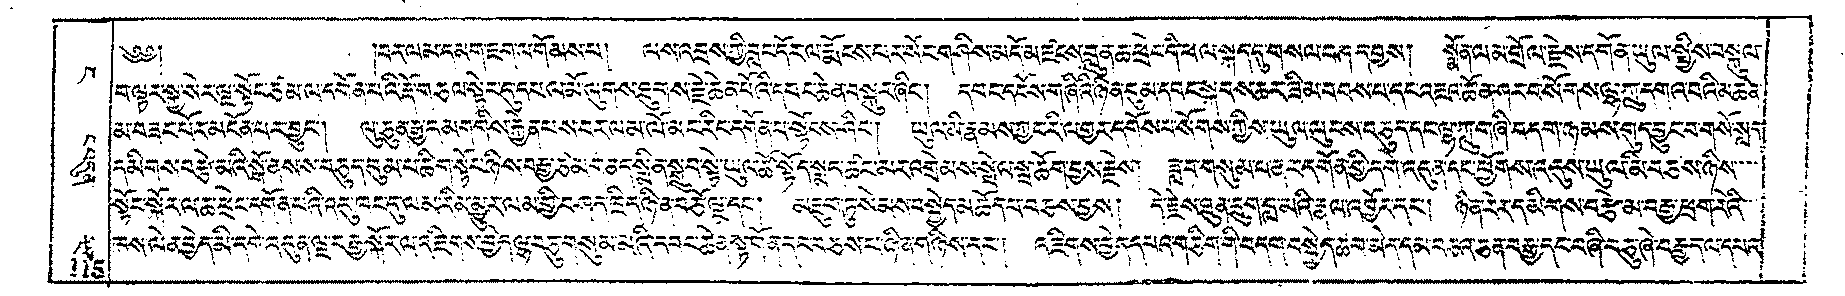༄༅། །བར་ལམ་དམག་ཇག་ལ་གོམས་པ། ལས་འབྲས་ཀྱི་བླང་དོར་ལ་རྨོངས་པར་སོང་གཤིས་མདོ་མཛངས་བླུན་ཆ་ཕྲེང་གི་ཕལ་སྐད་དུ་གསལ་བཤད་བྱས། སྨོན་ལམ་གྲོལ་རྗེས་དགོན་ཡུལ་སྤྱིས་བསྐུལ་
བ་ལྟར་སྐྱ་སེར་ལྔ་སྟོང་ཙམ་ལ་དགོན་པའི་རྡོ་གཅལ་སྟེང་དུ་དཔལ་མོ་ལུགས་ཐུགས་རྗེ་ཆེན་པོའི་དབང་ཆེན་བསྐུར་ཞིང་། དབང་དངོས་གཞིའི་ཉིན་བུམ་དབང་སྐབས་ཆར་ཟིམ་བབས་པ་དང་འཇའ་ཚོན་ཤར་བ་སོགས་ལྷ་ཀླུ་དགའ་བའི་མཚན་
མ་བཟང་པོར་མངོན་པར་བྱུང་། ལུ་ཅུན་རྒྱ་དམག་གིས་རྐྱེན་པས་བར་ལམ་ལོ་མང་རིང་དགོན་པ་སྟོངས་ཤིང་། ཡུལ་མི་རྣམས་ཀྱང་རི་ལ་གྱར་དགོས་པ་སོགས་ཀྱིས་ཡུལ་ལུང་ས་བཅུད་དང་ལྷ་ཀླུ་གཞི་བདག་ཉམས་གུད་བྱུང་བ་གསོ་སླད་
དམིགས་བརྩེ་མའི་སྒོ་ནས་ས་བཅུད་བུམ་པ་ཆིག་སྟོང་ཉིས་བརྒྱ་ཙམ་གནད་སྨིན་སྒྲུབ་སྟེ་ཡུལ་ཚོ་སྟོད་སྨད་ཚང་མར་འགྲེམས་སྤེལ་སྦ་ཆོག་བྱས་རྗེས། ཟླ་བ་གསུམ་པ་ནང་དགོན་གྱི་དགེ་འདུན་དང་ཕྱོགས་འདུས་ཡུལ་མི་བཅས་ཉིས་
སྟོང་སྐོར་ལ་ཆ་ཕྲེང་དགོན་པའི་འདུ་ཁང་དུ་ལམ་རིམ་མྱུར་ལམ་གྱི་བཤད་ཁྲིད་ཉིན་བཅོ་ལྔ་དང་། མཇུག་ཏུ་སེམས་བསྐྱེད་མཆོད་པ་བཅས་བྱས། དེ་རྗེས་ཐུན་དྲུག་བླ་མའི་རྣལ་འབྱོར་དང་། ཉིན་རེར་དམིགས་བརྩེ་མ་བརྒྱ་ཕྲག་རེའི་
ཁས་ལེན་བྱེད་མི་དགེ་འདུན་ལྔ་བརྒྱ་སྐོར་ལ་འཇིགས་བྱེད་ལྷ་བཅུ་གསུམ་མའི་དབང་ཆེན་སྟ་གོན་དང་བཅས་པ་ཉིན་གཉིས་དང་། འཇིགས་བྱེད་དཔའ་གཅིག་གི་བདག་བསྐྱེད་ཆག་མེད་དམ་བཅའ་ཅན་བརྒྱ་དང་བཞི་བཅུ་ཞེ་བརྒྱད་ལ་དཔའ་